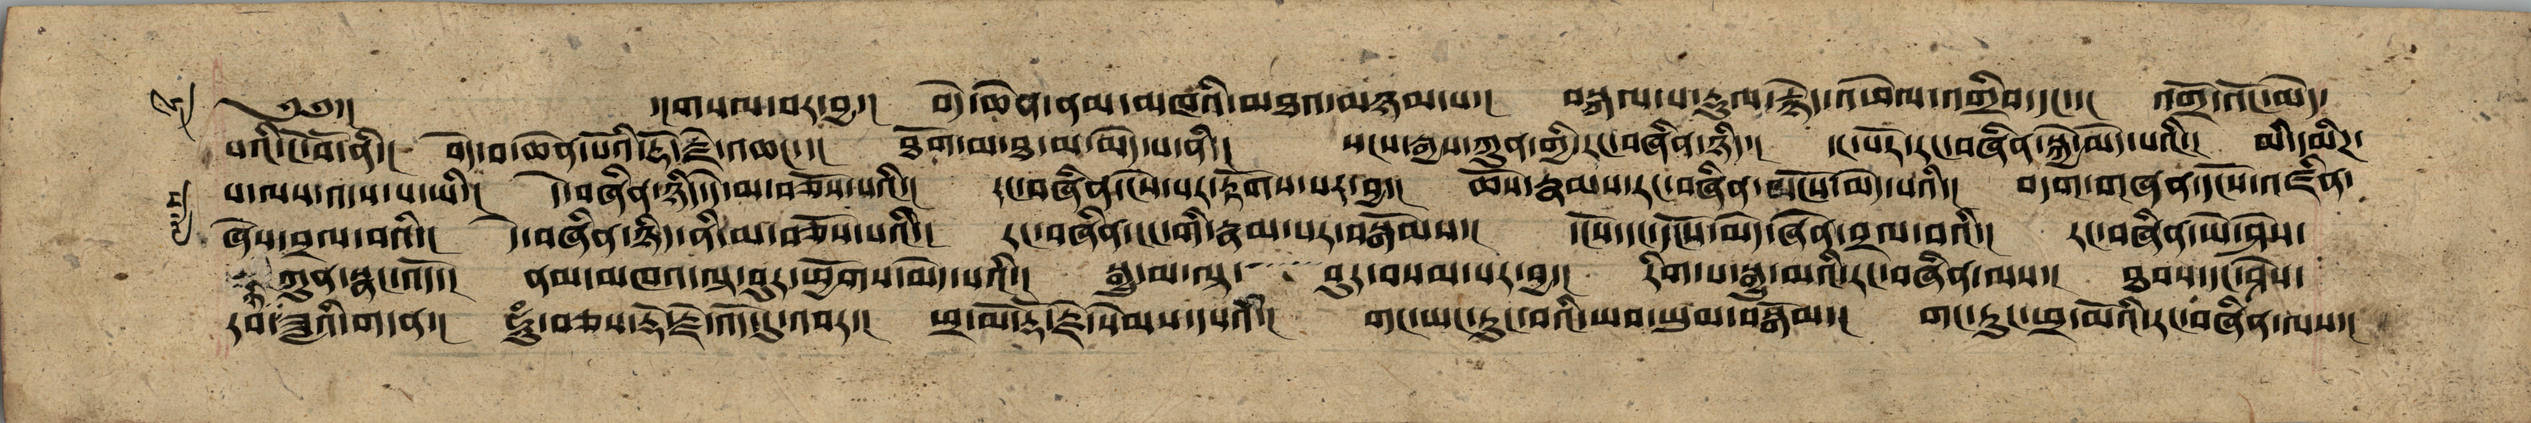༄༅་། ་།གསལ་བར་བྱ་། བདེ་ཆེན་ནམ་མཁའི་མཐའ་མཉམ་པ་། བསྐལ་པ་རྡུལ་རྙེད་འཕེལ་འགྲིབ་དང་་། འགྲོ་འོང་མེད་
པའི་ངོ་བོ་ནི་། བདེ་བ་ཆེན་པོའི་རྡོ་རྗེ་འཆང་་། ཐོག་མ་ཐ་མ་མེད་པ་ནི་། སངས་རྒྱས་ཀུན་གྱི་རང་བཞིན་ཉིད་། དང་པོར་རང་བཞིན་སྐྱེ་མེད་པའི་། མི་དམིཌ་
པ་ལས་འདས་པ་ཡི་། དེ་བཞིན་ཉིད་དེ་མ་བཅོས་པའི་། རང་བཞིན་ངེས་པར་རྟོགས་པར་བྱ་། ཆོས་རྣམས་རང་བཞིན་ ངོས་མེད་པའི་། བདག་གཞན་དངོས་འཛིན་
ཞེས་བྲལ་བའི་། དེ་བཞིན་ཉིད་ནི་མ་བཅོས་པའི་། རང་བཞིན་ངང་གི་རྣམ་པར་བསྒོམས་། དངོས་དང་དངོས་མེད་ཞེན་བྲལ་བའི་། རང་བཞིན་ཡེ་ཤེས་
ཀུན་སྣང་འདོད་། ནམ་མཁའ་ལྟ་བུར་ཕྱོགས་མེད་པའི་། སྒྱུ་མ་ལྟ་་་་་བུར་བསམ་པར་བྱ་། རིག་པ་སྒྱུ་མའི་རང་བཞིན་ལས་། ཐབས་དང་ཤེས་
རབ་ཟླའི་གདན་། ཧཱུཾ་བཅས་རྡོ་རྗེ་འོད་དུ་འབར་། ཕྲ་མོ་རྡོ་རྗེ་སེམས་དཔའཾ་། གང་ཡང་རུང་བའི་ཡབ་ཡུམ་བསྒོམ་། གང་རུང་ཕྲ་མོའི་རང་བཞིན་ལས་།